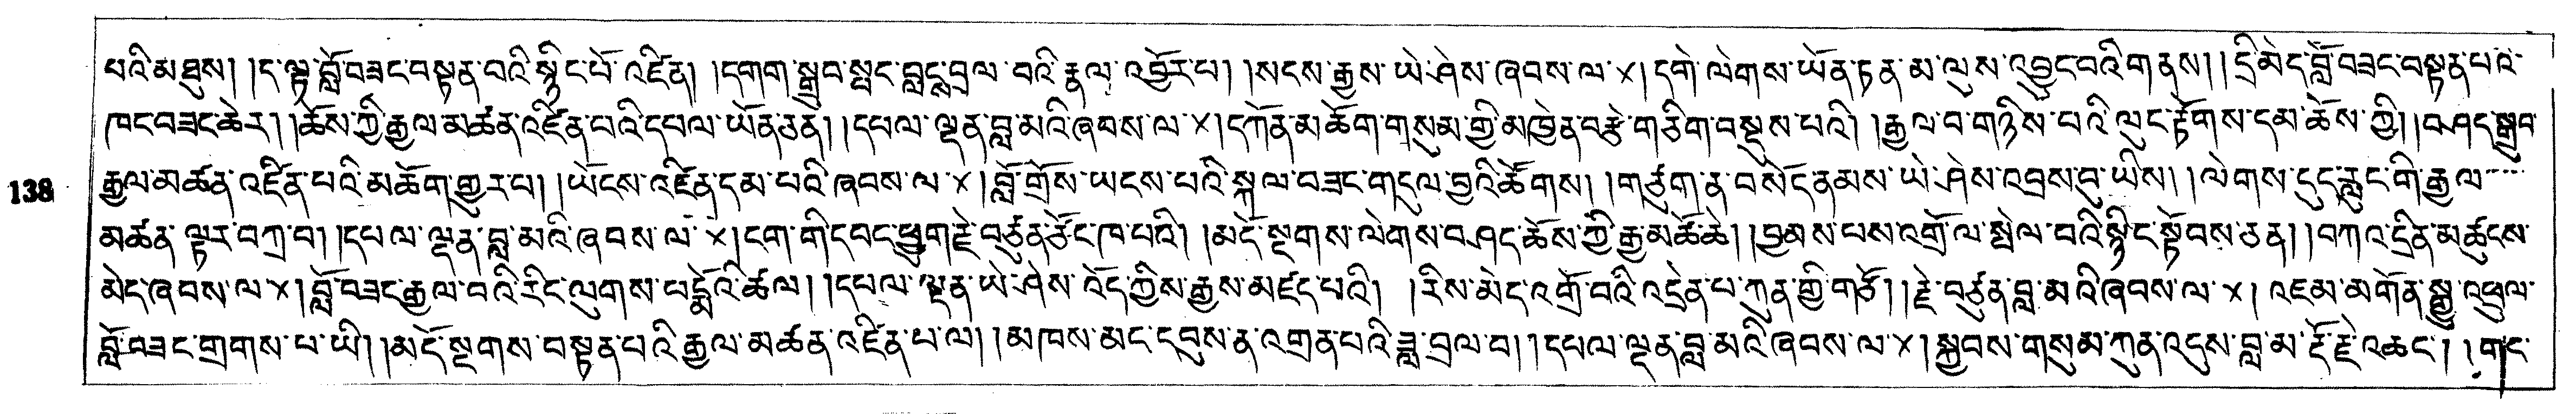པའི་མཐུས། །ད་ལྟ་བློ་བཟང་བསྟན་པའི་སྙིང་པོ་འཛིན། །དགག་སྒྲུབ་སྤང་བླངས་བྲལ་བའི་རྣལ་འབྱོར་པ། །སངས་རྒྱས་ཡེ་ཤེས་ཞབས་ལ་྾། དགེ་ལེགས་ཡོན་ཏན་མ་ལུས་འབྱུང་བའི་གནས། །དྲི་མེད་བློ་བཟང་བསྟན་པའི་
ཁང་བཟང་ཆེར། །ཆོས་ཀྱི་རྒྱལ་མཚན་འཛིན་པའི་དཔལ་ཡོན་ཅན། །དཔལ་ལྡན་བླ་མའི་ཞབས་ལ་྾། དཀོན་མཆོག་གསུམ་གྱི་མཁྱེན་བརྩེ་གཅིག་བསྡུས་པའི། །རྒྱལ་བ་གཉིས་པའི་ལུང་རྟོགས་དམ་ཆོས་ཀྱི། །བཤད་སྒྲུབ་
རྒྱལ་མཚན་འཛིན་པའི་མཆོག་གྱུར་པ། །ཡོངས་འཛིན་དམ་པའི་ཞབས་ལ་྾། བློ་གྲོས་ཡངས་པའི་སྐལ་བཟང་གདུལ་བྱའི་ཚོགས། །གཙུག་ན་བསོད་ནམས་ཡེ་ཤེས་འབྲས་བུ་ཡིས། །ལེགས་དུང་རླུང་གི་རྒྱལ་
མཚན་ལྟར་བཀྲ་བ། །དཔལ་ལྡན་བླ་མའི་ཞབས་ལ་྾། ངག་གི་དབང་ཕྱུག་རྗེ་བཙུན་ཙོང་ཁ་པའི། །མདོ་སྔགས་ལེགས་བཤད་ཆོས་ཀྱི་རྒྱ་མཚོ་ཆེ། །བྱམས་པས་འགྲོ་ལ་སྤེལ་བའི་སྙིང་སྟོབས་ཅན། །བཀའ་དྲིན་མཚུངས་
མེད་ཞབས་ལ་྾། བློ་བཟང་རྒྱལ་བའི་རིང་ལུགས་པདམོའི་ཚལ། །དཔལ་ལྡན་ཡེ་ཤེས་འོད་ཀྱིས་རྒྱས་མཛད་པའི། །རིས་མེད་འགྲོ་བའི་འདྲེན་པ་ཀུན་གྱི་གཙོ། །རྗེ་བཙུན་བླ་མའི་ཞབས་ལ་྾། འཇམ་མགོན་སྒྱུ་འཕྲུལ་
བློ་བཟང་གྲགས་པ་ཡི། །མདོ་སྔགས་བསྟན་པའི་རྒྱལ་མཚན་འཛིན་པ་ལ། །མཁས་མང་དབུས་ན་འགྲན་པའི་ཟླ་བྲལ་བ། །དཔལ་ལྡན་བླ་མའི་ཞབས་ལ་྾། སྐྱབས་གསུམ་ཀུན་འདུས་བླ་མ་རྡོ་རྗེ་འཆང་། །གང་